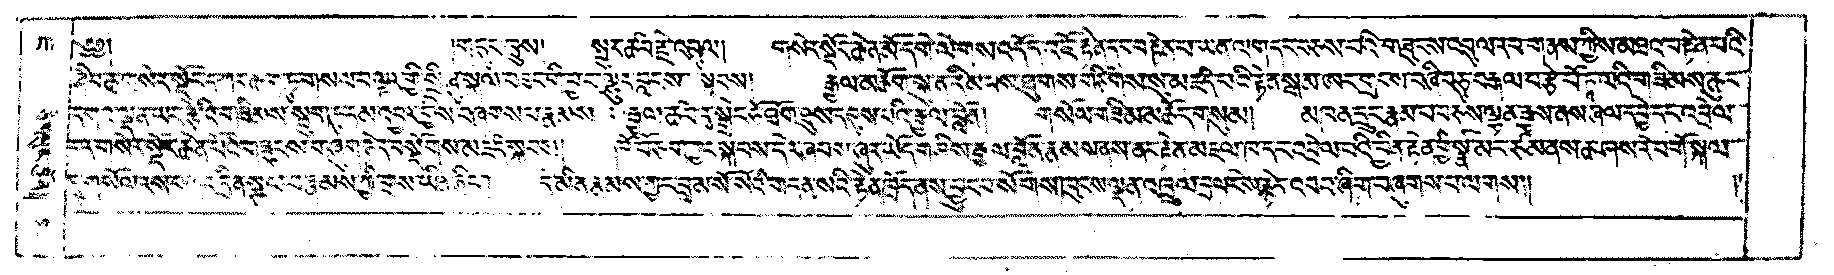༄༅། །གདུང་ཁྲུས། སྤུར་ཚབ་རྗེ་འབུལ། གསེར་སྡོང་ཆེན་མོ་དགེ་ལེགས་འདོད་འཇོ་རྟེན་དང་བརྟེན་པ་ཡན་ལག་དང་བཅས་པའི་གཟུངས་འབུལ་རབ་གནས་ཀྱིས་མཐའ་བརྟེན་པའི་
ཞིབ་ཆ་གསེར་སྡོང་དཀར་ཆག་ཏུ་གསལ་བ་ལྟར་གྱི་སྲི་ཞུ་སྐལ་བཟང་གི་བྱ་བ་ལྷུར་བླངས་སྐབས། ༈ རྒྱལ་མཆོག་སྐུ་ན་རིམ་པས་ཐུགས་གཙིགས་སུ་མཛད་པའི་རྟེན་སྒམ་ཨང་གྲངས་བཞི་བཅུ་བརྒལ་བ་རྩེ་པོ་ཏཱ་ལའི་གཟིམས་ཆུང་
དགའ་ལྡན་ཡང་རྩེའི་གཟིམས་སྦུག་ཏུ་དམ་འབྱར་གྱིས་བཞུགས་པ་རྣམས་༈ རྒྱལ་ཚབ་རྭ་སྒྲེང་ཧོ་ཐོག་ཐུས་དབུས་པའི་རྒྱལ་བློན། གསོལ་གཟིམ་མཆོད་གསུམ། མཁན་དྲུང་རྣམ་པ་བཅས་ལྷན་རྒྱས་ནས་ཞལ་དབྱེ་དང་འབྲེལ་
བར་གསེར་སྡོང་ཆེན་པོའི་གཟུངས་གཞུག་ཉེར་བསྡོགས་མཛད་སྐབས། ཁོ་བོ་ཅག་ཀྱང་སྐབས་དེར་ཞབས་ཞུར་ཡོད་གཤིས་རྒྱལ་བློན་རྣམས་ནས་ནང་རྟེན་མཇལ་ཁ་དང་འབྲེལ་བའི་བྱིན་རྟེན་གྱི་སྣེ་མང་ཙམ་ནས་ཆ་ཤས་རེ་བགོ་སྐལ་
དུ་གསོལ་རས་བཀའ་དྲིན་སྩལ་བ་རྣམས་ཀྱི་གྲས་ཡིན་ཞིང་། དེ་མིན་རྣམས་ཀྱང་བླ་མ་སོ་སོའི་གདན་སའི་རྟེན་ཁྲོད་ནས་བྱུང་བ་སོགས་ཁུངས་ལྡན་འཁྲུལ་བྲལ་ངེས་རྙེད་འབའ་ཞིག་བཞུགས་པ་ལགས།། །།